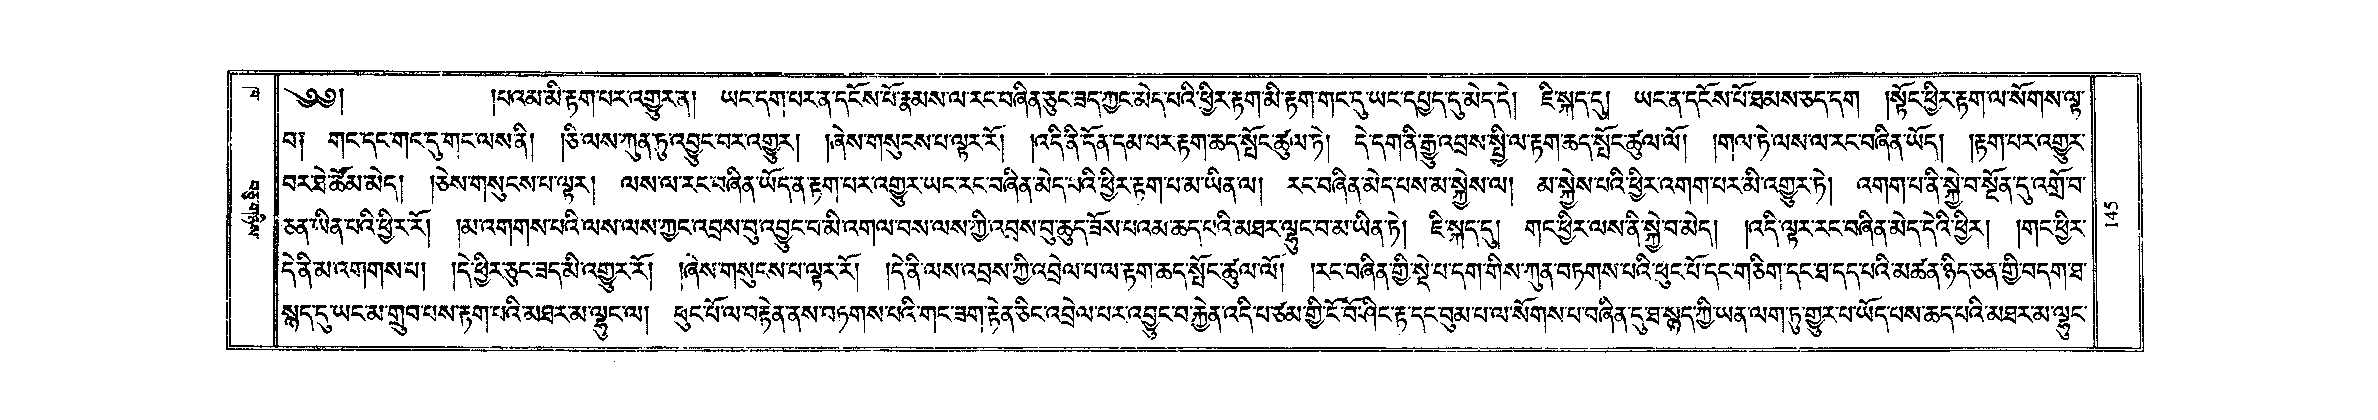༄༅། །པའམ་མི་རྟག་པར་འགྱུར་ན། ཡང་དག་པར་ན་དངོས་པོ་རྣམས་ལ་རང་བཞིན་ཅུང་ཟད་ཀྱང་མེད་པའི་ཕྱིར་རྟག་མི་རྟག་གང་དུ་ཡང་དཔྱད་དུ་མེད་དེ། ཇི་སྐད་དུ། ཡང་ན་དངོས་པོ་ཐམས་ཅད་དག །སྟོང་ཕྱིར་རྟག་ལ་སོགས་ལྟ་
བ༑ གང་དང་གང་དུ་གང་ལས་ནི། །ཅི་ལས་ཀུན་ཏུ་འབྱུང་བར་འགྱུར། །ཞེས་གསུངས་པ་ལྟར་རོ། །འདི་ནི་དོན་དམ་པར་རྟག་ཆད་སྤོང་ཚུལ་ཏེ། དེ་དག་ནི་རྒྱུ་འབྲས་སྤྱི་ལ་རྟག་ཆད་སྤོང་ཚུལ་ལོ། །གལ་ཏེ་ལས་ལ་རང་བཞིན་ཡོད། །རྟག་པར་འགྱུར་
བར་ཐེ་ཚོམ་མེད། །ཅེས་གསུངས་པ་ལྟར། ལས་ལ་རང་བཞིན་ཡོད་ན་རྟག་པར་འགྱུར་ཡང་རང་བཞིན་མེད་པའི་ཕྱིར་རྟག་པ་མ་ཡིན་ལ། རང་བཞིན་མེད་པས་མ་སྐྱེས་ལ། མ་སྐྱེས་པའི་ཕྱིར་འགག་པར་མི་འགྱུར་ཏེ། འགག་པ་ནི་སྐྱེ་བ་སྔོན་དུ་འགྲོ་བ་
ཅན་ཡིན་པའི་ཕྱིར་རོ། །མ་འགགས་པའི་ལས་ལས་ཀྱང་འབྲས་བུ་འབྱུང་བ་མི་འགལ་བས་ལས་ཀྱི་འབྲས་བུ་ཆུད་ཟོས་པའམ་ཆད་པའི་མཐར་ལྷུང་བ་མ་ཡིན་ཏེ། ཇི་སྐད་དུ། གང་ཕྱིར་ལས་ནི་སྐྱེ་བ་མེད། །འདི་ལྟར་རང་བཞིན་མེད་དེའི་ཕྱིར། །གང་ཕྱིར་
དེ་ནི་མ་འགགས་པ། །དེ་ཕྱིར་ཅུང་ཟད་མི་འགྱུར་རོ། །ཞེས་གསུངས་པ་ལྟར་རོ། །དེ་ནི་ལས་འབྲས་ཀྱི་འབྲེལ་པ་ལ་རྟག་ཆད་སྤོང་ཚུལ་ལོ། །རང་བཞིན་གྱི་སྡེ་པ་དག་གིས་ཀུན་བཏགས་པའི་ཕུང་པོ་དང་གཅིག་དང་ཐ་དད་པའི་མཚན་ཉིད་ཅན་གྱི་བདག་ཐ་
སྙད་དུ་ཡང་མ་གྲུབ་པས་རྟག་པའི་མཐར་མ་ལྷུང་ལ། ཕུང་པོ་ལ་བརྟེན་ནས་བཏགས་པའི་གང་ཟག་རྟེན་ཅིང་འབྲེལ་པར་འབྱུང་བ་རྐྱེན་འདི་པ་ཙམ་གྱི་ངོ་བོ་ཤིང་རྟ་དང་བུམ་པ་ལ་སོགས་པ་བཞིན་དུ་ཐ་སྙད་ཀྱི་ཡན་ལག་ཏུ་གྱུར་པ་ཡོད་པས་ཆད་པའི་མཐར་མ་ལྷུང་